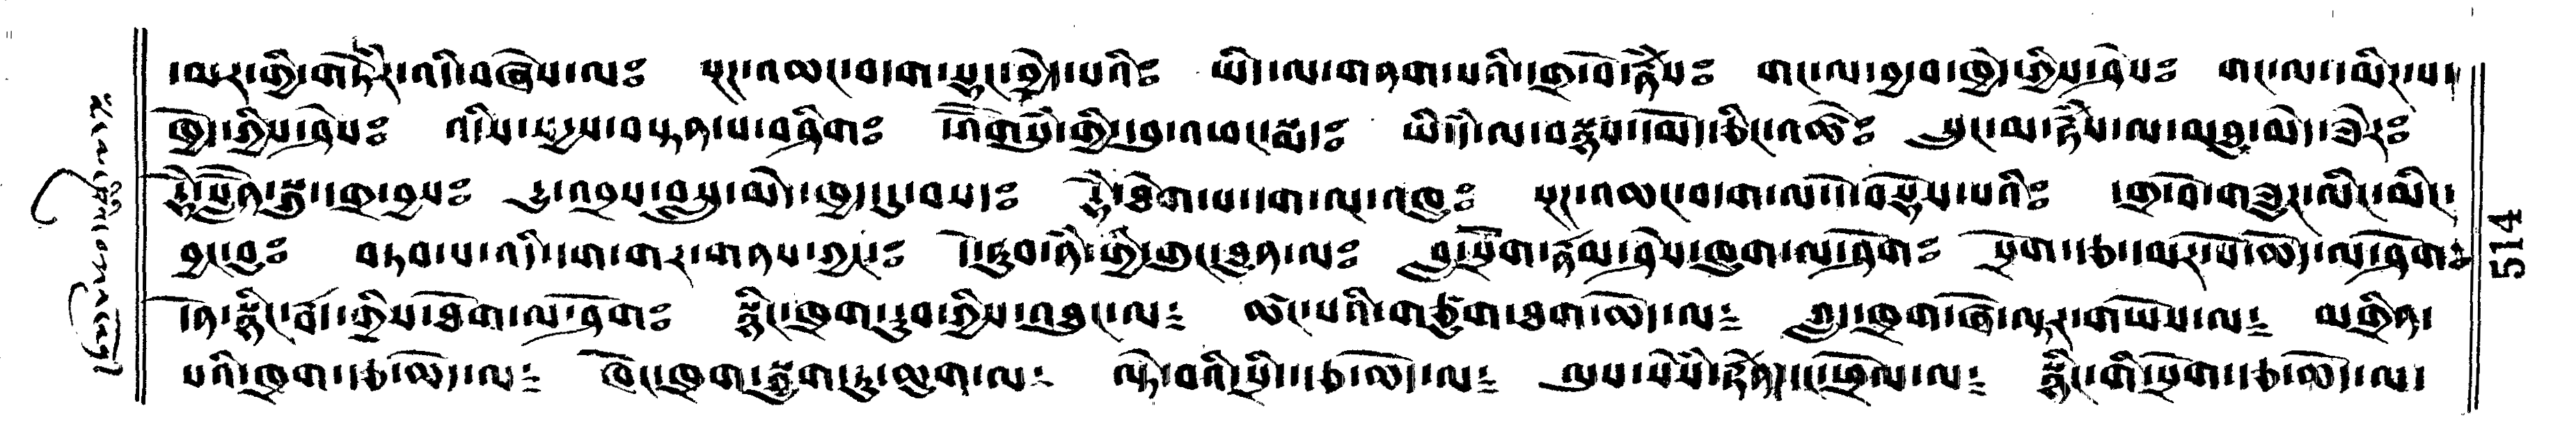དམར་གྱི་གཏོར་མ་འདི་བཞེས་ལ༔ སྔགས་འཆང་བདག་སྡང་བྱེད་པའི༔ ཡིད་ལ་གནག་པའི་དགྲ་བོ་རྣམས༔ གང་ལ་བྱ་བ་ཁྱེད་ཀྱིས་ཤེས༔ གང་ལ་དམིགས་པ་
ཁྱོད་ཀྱིས་ཤེས༔ འདི་ཡིས་སངས་རྒྱས་བསྟན་པ་གཤིག༔ དཀོན་མཆོག་གསུམ་གྱི་འཕང་སྨད༔ ཡི་དམ་ལ་བརྙེས་དམོད་ཟིང་འཚེ༔ སྲུང་མ་རྣམས་ལ་མཐུ་མེད་ཟེར༔ 
རྡོ་རྗེ་སློབ་དཔོན་སྐུ་དགྲ་བྱས༔ རྒྱུ་འབྲས་བསླུ་མེད་ཁྱད་དུ་བསད༔ རྡོ་རྗེ་ཐེག་པ་དག་ལ་འཁུ༔ སྔགས་འཆང་བདག་ལ་དོ་བསྡོས་པའི༔ དགྲ་བོ་གཟུགས་ལིང་མིང་
བྱང་བུ༔ བཏབ་པ་འདི་དག་གར་གནས་ཀྱང༔ དོ་ནུབ་ནམ་གྱི་གུང་ཐུན་ལ༔ བླ་སྲོག་རྣམ་ཤེས་ཁུག་ལ་ཤོག༔ སྲོག་རྩ་དམར་པོ་ཆོད་ལ་ཤོག༔ 
དོན་སྙིང་རྦ་གྱིས་ཐོགས་ལ་ཤོག༔ སྙིང་ཁྲག་ཧུབ་ཀྱིས་འཐུང་ལ༴ ཚངས་པའི་གཙུག་ཐག་ཆོད་ལ༴ ཀླད་ཁྲག་ཞོ་ལྟར་གཡོས་ལ༴ མགྲིན་
པའི་ཁྲག་རྩ་ཆོད་ལ༴ ཁོང་ཁྲག་སྐྱུག་ཏུ་ཆུག་ལ༴ ལྟེ་བའི་སྲིད་རྩ་ཆོད་ལ༴ ལུས་སེམས་རྟེན་དང་ཕྲོལ་ལ༴ སྙིང་གི་སྲོག་རྩ་ཆོད་ལ་